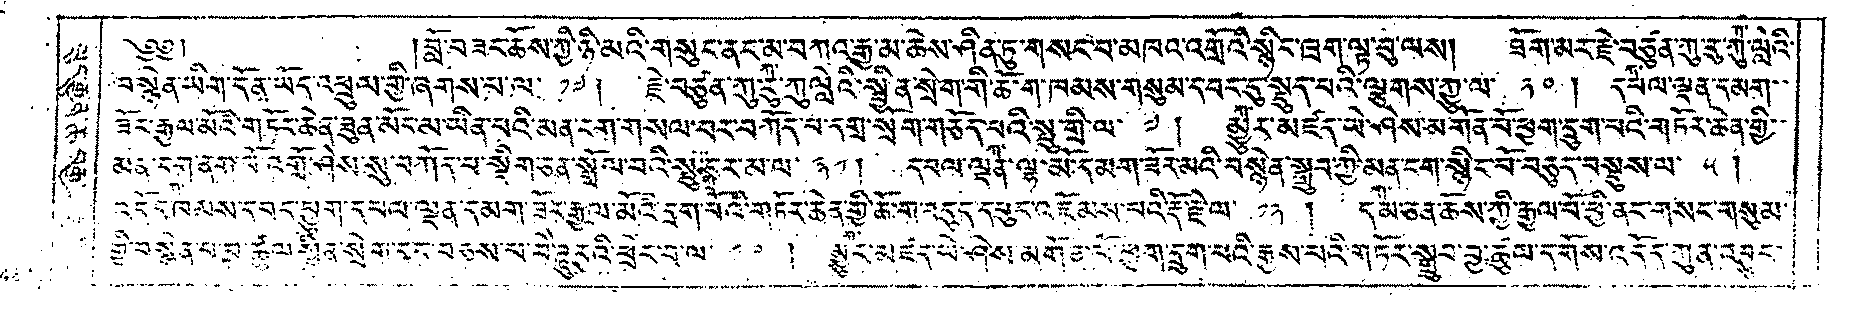༄༅། །བློ་བཟང་ཆོས་ཀྱི་ཉི་མའི་གསུང་ནང་མ་བཀའ་རྒྱ་མ་ཆེས་ཤིན་ཏུ་གསང་བ་མཁའ་འགྲོའི་སྙིང་ཁྲག་ལྟ་བུ་ལས། ཐོག་མར་རྗེ་བཙུན་ཀུ་རུ་ཀུ་{ཀ}་ལླེའི་
བསྙེན་ཡིག་དོན་ཡོད་འཕྲུལ་གྱི་ཞགས་པ་ལ ༡༧། རྗེ་བཙུན་ཀུ་རུ་ཀ་རུ་{ཀ}་ལླེའི་སྦྱིན་སྲེག་གི་ཆོ་ག་ཁམས་གསུམ་དབང་དུ་སྡུད་པའི་ལྕགས་ཀྱུ་ལ ༢༠། དཔལ་{ཀ}་ལྡན་དམག་
ཟོར་རྒྱལ་མོའི་གཏོར་ཆེན་ཐུན་མོང་མ་ཡིན་པའི་མན་ངག་གསལ་བར་བཀོད་པ་དགྲ་སྲོག་གཅོད་པའི་སྤུ་གྲི་ལ ༧། མྱུར་{ཀ}་མཛད་ཡེ་ཤེས་མགོན་པོ་ཕྱག་དྲུག་པའི་གཏོར་ཆེན་གྱི་
མན་ངག་ནག་པོ་འགྲོ་ཤེས་སུ་བཀོད་པ་སྡིག་ཅན་སྒྲོལ་བའི་སྤུ་གྲི་ངར་མ་ལ ༣༡། དཔལ་ལྡན་ཀ་ལྷ་མོ་དམག་ཟོར་མའི་བསྙེན་སྒྲུབ་ཀྱི་མན་ངག་སྙིང་པོ་བཅུད་བསྡུས་ལ ༥།
འདོད་{ཀ}་ཁམས་དབང་ཕྱུག་དཔལ་ལྡན་དམག་ཟོར་རྒྱལ་མོའི་དྲག་པོའི་གཏོར་ཆེན་གྱི་ཆོ་ག་བདུད་དཔུང་འཇོམས་པའི་རྡོ་རྗེ་ལ ༡༢། དམ་ཀ་ཅན་ཆོས་ཀྱི་རྒྱལ་པོ་ཕྱི་ནང་གསང་གསུམ་
གྱི་བསྙེན་པ་བྱ་ཚུལ་སྦྱིན་སྲེག་དང་བཅས་པ་བཻ་ཌཱུརྱའི་ཕྲེང་བ་ལ ༡༠། མྱུར་ཀ་མཛད་ཡེ་ཤེས་མགོན་པོ་ཕྱག་དྲུག་པའི་རྒྱས་པའི་གཏོར་སྒྲུབ་བྱ་ཚུལ་དགོས་འདོད་ཀུན་འབྱུང་